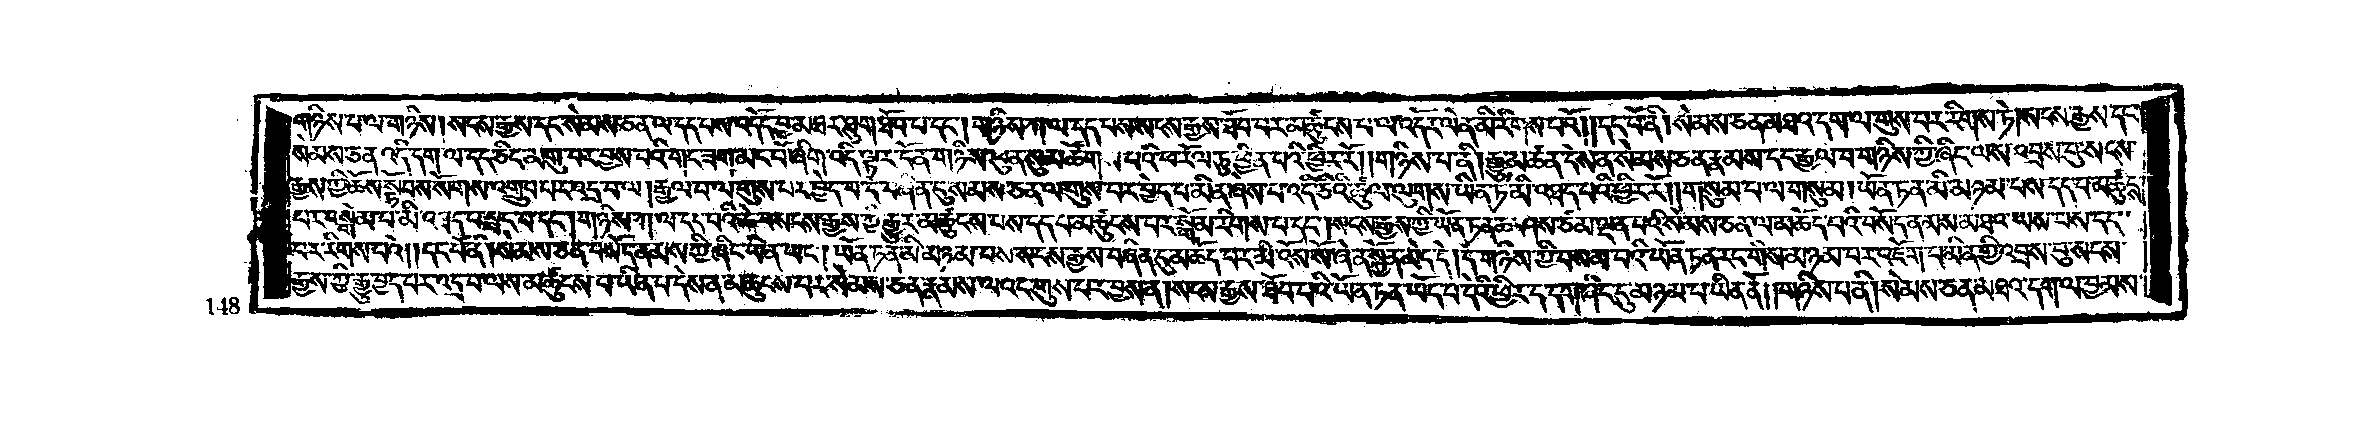གཉིས་པ་ལ་གཉིས། སངས་རྒྱས་དང་སེམས་ཅན་ལ་དད་པས་འདོད་བྱ་མཐར་ཐུག་ཐོབ་པ་དང་། གཉིས་ཀ་ལ་དད་པས་སངས་རྒྱས་ཐོབ་པར་མཚུངས་པ་ལ་འདོར་ལེན་མི་རིགས་པའོ། །དང་པོ་ནི། སེམས་ཅན་མཐའ་དག་ལ་གུས་པར་རིགས་ཏེ། སངས་རྒྱས་དང་
སེམས་ཅན་འདི་དག་ལ་དད་ཅིང་མགུ་བར་བྱས་པའི་གང་ཟག་མང་པོ་ཞིག་འདི་ལྟར་དོན་གཉིས་ཕུན་སུམ་ཚོགས་པའི་ཕ་རོལ་ཏུ་ཕྱིན་པའི་ཕྱིར་རོ། །གཉིས་པ་ནི། རྒྱུ་མཚན་དེས་ན་སེམས་ཅན་རྣམས་དང་རྒྱལ་བ་གཉིས་ཀྱི་ཞིང་ལས་འབྲས་བུ་སངས་
རྒྱས་ཀྱི་ཆོས་སྟོབས་སོགས་འགྲུབ་པར་འདྲ་བ་ལ། རྒྱལ་བ་ལ་གུས་པར་བྱེད་པ་དེ་བཞིན་དུ་སེམས་ཅན་ལ་གུས་པར་བྱེད་པ་མིན་ཞེས་པ་འདི་ཅིའི་ཚུལ་ལུགས་ཡིན་ཏེ་མི་འཐད་པའི་ཕྱིར་རོ། །གསུམ་པ་ལ་གསུམ། ཡོན་ཏན་མི་མཉམ་པས་དད་པ་མཚུངས་
པར་བསྒོམ་པ་མི་འཐད་པ་སྤང་བ་དང་། གཉིས་ཀ་ལ་དད་པའི་ཆེ་བ་སངས་རྒྱས་ཀྱི་རྒྱུར་མཚུངས་པས་དད་པ་མཚུངས་པར་སྒོམ་རིགས་པ་དང་། སངས་རྒྱས་ཀྱི་ཡོན་ཏན་ཆ་ཤེས་ཙམ་ལྡན་པའི་སེམས་ཅན་ལ་མཆོད་པའི་བསོད་ནམས་མཐའ་ཡས་པས་དད་
པར་རིགས་པའོ། །དང་པོ་ནི། སེམས་ཅན་བསོད་ནམས་ཀྱི་ཞིང་ཡིན་ཡང་། ཡོན་ཏན་མི་མཉམ་པས་སངས་རྒྱས་བཞིན་དུ་མཆོད་པར་མི་འོས་སོ་ཞེ་ན་སྐྱོན་མེད་དེ། དེ་གཉིས་ཀྱི་བསམ་པའི་ཡོན་ཏན་རང་རིག་མཉམ་པར་འཇོག་པ་མིན་གྱི་འབྲས་བུ་སངས་
རྒྱས་ཀྱི་རྒྱུ་བྱད་པར་འདྲ་བ་ལས་མཚུངས་པ་ཡིན་པ་དེས་ན་མཚུངས་པར་སེམས་ཅན་རྣམས་ལའང་གུས་པར་བྱས་ན། སངས་རྒྱས་ཐོབ་པའི་ཡོན་ཏན་ཡོད་པ་དེའི་ཕྱིར་དེ་དག་ཞིང་དུ་མཉམ་པ་ཡིན་ནོ། །གཉིས་པ་ནི། སེམས་ཅན་མཐའ་དག་ལ་བྱམས་